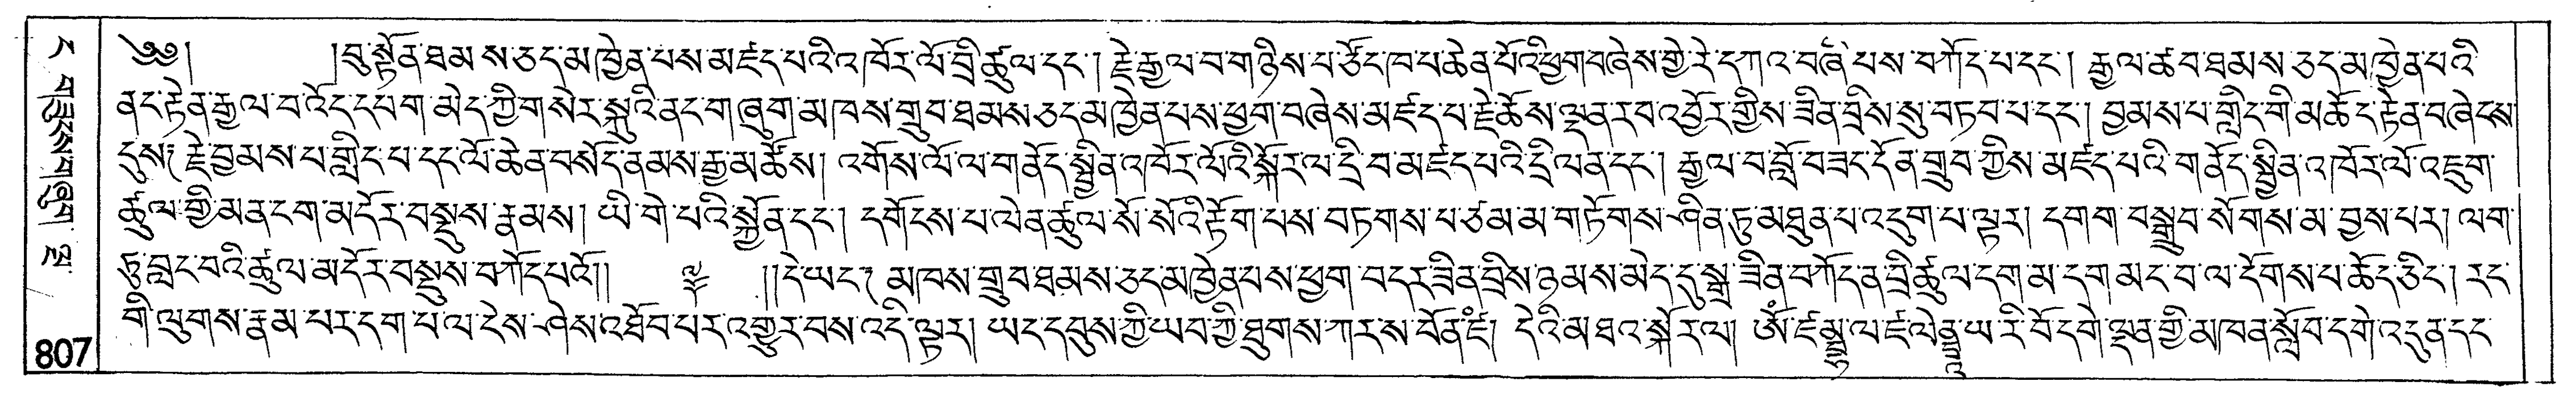༄༅། །བུ་སྟོན་ཐམས་ཅད་མཁྱེན་པས་མཛད་པའི་འཁོར་ལོ་བྲི་ཚུལ་དང་། རྗེ་རྒྱལ་བ་གཉིས་པ་ཙོང་ཁ་པ་ཆེན་པོའི་ཕྱག་བཞེས་གྱེ་རེ་དཀའ་བཞི་པས་བཀོད་པ་དང་། རྒྱལ་ཚབ་ཐམས་ཅད་མཁྱེན་པའི་
ནང་རྟེན་རྒྱལ་བ་འོད་དཔག་མེད་ཀྱི་གསེར་སྐུའི་ནང་གཞུག་མཁས་གྲུབ་ཐམས་ཅད་མཁྱེན་པས་ཕྱག་བཞེས་མཛད་པ་རྗེ་ཆོས་ལྡན་རབ་འབྱོར་གྱིས་ཟིན་བྲིས་སུ་བཏབ་པ་དང་། བྱམས་པ་གླིང་གི་མཆོད་རྟེན་བཞེངས་
དུས༑ རྗེ་བྱམས་པ་གླིང་པ་དང་ལོ་ཆེན་བསོད་ནམས་རྒྱ་མཚོས། འགོས་ལོ་ལ་གནོད་སྦྱིན་འཁོར་ལོའི་སྐོར་ལ་དྲི་བ་མཛད་པའི་དྲི་ལན་དང་། རྒྱལ་བ་བློ་བཟང་དོན་གྲུབ་ཀྱིས་མཛད་པའི་གནོད་སྦྱིན་འཁོར་ལོ་འཇུག་
ཚུལ་གྱི་མན་ངག་མདོར་བསྡུས་རྣམས། ཡི་གེ་པའི་སྐྱོན་དང་། དགོངས་པ་ལེན་ཚུལ་སོ་སོའི་རྟོག་པས་བཏགས་པ་ཙམ་མ་གཏོགས་ཤིན་ཏུ་མཐུན་པ་འདུག་པ་ལྟར། དགག་བསྒྲུབ་སོགས་མ་བྱས་པར། ལག་
ཏུ་བླང་བའི་ཚུལ་མདོར་བསྡུས་བཀོད་པའོ།། ༈ །།དེ་ཡང༑ མཁས་གྲུབ་ཐམས་ཅད་མཁྱེན་པས་ཕྱག་བདར་ཟིན་བྲིས་ཉམས་མེད་དུ་སྒྲ་ཟིན་བཀོད་ན་བྲི་ཚུལ་དག་མ་དག་མང་བ་ལ་དོགས་པ་ཆོད་ཅིང་། རང་
གི་ལུགས་རྣམ་པར་དག་པ་ལ་ངེས་ཤེས་འཐོབ་པར་འགྱུར་བས་འདི་ལྟར། ཡང་དབུས་ཀྱི་ཡབ་ཀྱི་ཐུགས་ཀར་ས་བོན་ཛཾ། དེའི་མཐའ་སྐོར་ལ། ཨོཾ་ཛམྦྷ་ལ་ཛ་ལེནྡྲཱ་ཡ་རི་བོ་དགེ་ལྡན་གྱི་མཁན་སློབ་དགེ་འདུན་དང་